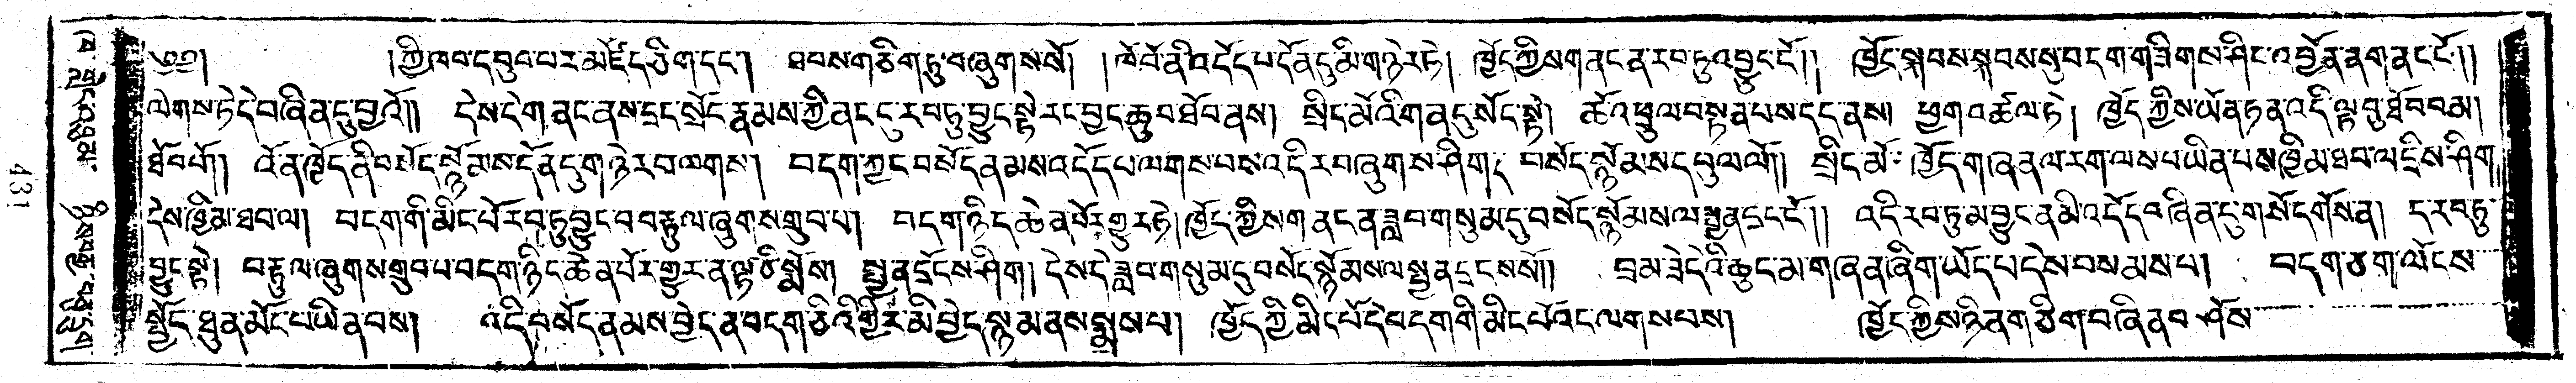༄༅། །ཀྱི་ཁབ་དབུབ་པར་མཛོད་ཅིག་དང་། ཐབས་གཅིག་ཏུ་བཞུགས་སོ། །ཁོ་བོ་ནི་འདོད་པ་དོན་དུ་མི་གཉེར་ཏེ། ཁྱོད་ཀྱིས་གནང་ན་རབ་ཏུ་འབྱུང་ངོ།། ཁྱོད་སྐབས་སྐབས་སུ་བདག་གཟིགས་ཤིང་འབྱོན་ན་གནང་ངོ།།
ལེགས་ཏེ་དེ་བཞིན་དུ་བྱའོ།། དེས་དེ་གནང་ནས་དྲང་སྲོང་རྣམས་ཀྱི་ནང་དུ་རབ་ཏུ་བྱུང་སྟེ་རང་བྱང་ཆུབ་ཐོབ་ནས། སྲིད་མོའི་གན་དུ་སོང་སྟེ། ཆོ་འཕྲུལ་བསྟན་པས་དད་ནས། ཕྱག་འཚལ་ཏེ། ཁྱོད་ཀྱིས་ཡོན་ཏན་འདི་ལྟ་བུ་ཐོབ་བམ།
ཐོབ་པོ།། འོ་ན་ཁྱོད་ནི་བསོད་སྙོམས་དོན་དུ་གཉེར་བ་ལགས། བདག་ཀྱང་བསོད་ནམས་འདོད་པ་ལགས་པས་འདིར་བཞུགས་ཤིག༑ བསོད་སྙོམས་དབུལ་ལོ།། སྲིང་མོ་ཁྱོད་གཞན་ལ་རག་ལས་པ་ཡིན་པས་ཁྱིམ་ཐབ་ལ་དྲིས་ཤིག།
དེས་ཁྱིམ་ཐབ་ལ། བདག་གི་མིང་པོ་རབ་ཏུ་བྱུང་བ་བརྟུལ་ཞུགས་གྲུབ་པ། བདག་ཉིད་ཆེན་པོར་གྱུར་ཏེ། ཁྱོད་ཀྱིས་གནང་ན་ཟླ་བ་གསུམ་དུ་བསོད་སྙོམས་ལ་སྤྱན་དྲང་ངོ།། འདི་རབ་ཏུ་མ་བྱུང་ན་མི་འདོད་བཞིན་དུ་གསོ་དགོས་ན། ད་རབ་ཏུ་
བྱུང་སྟེ། བརྟུལ་ཞུགས་གྲུབ་པ་བདག་ཉིད་ཆེན་པོར་གྱུར་ན་ལྟ་ཅི་སྨོས། སྤྱན་དྲོངས་ཤིག། དེས་དེ་ཟླ་བ་གསུམ་དུ་བསོད་སྙོམས་ལ་སྤྱན་དྲངས་སོ།། བྲམ་ཟེ་དེའི་ཆུང་མ་གཞན་ཞིག་ཡོད་པ་དེས་བསམས་པ། བདག་ཅག་ལོངས་
སྤྱོད་ཐུན་མོང་པ་ཡིན་པས། འདི་བསོད་ནམས་བྱེད་ན་བདག་ཅིའི་གྱིར་མི་བྱེད་སྙམ་ནས་སྨྲས་པ། ཁྱོད་ཀྱི་མིང་པོ་དེ་བདག་གི་མིང་པོའང་ལགས་པས། ཁྱོད་ཀྱིས་ཉིན་གཅིག་བཞིན་བཤོས་